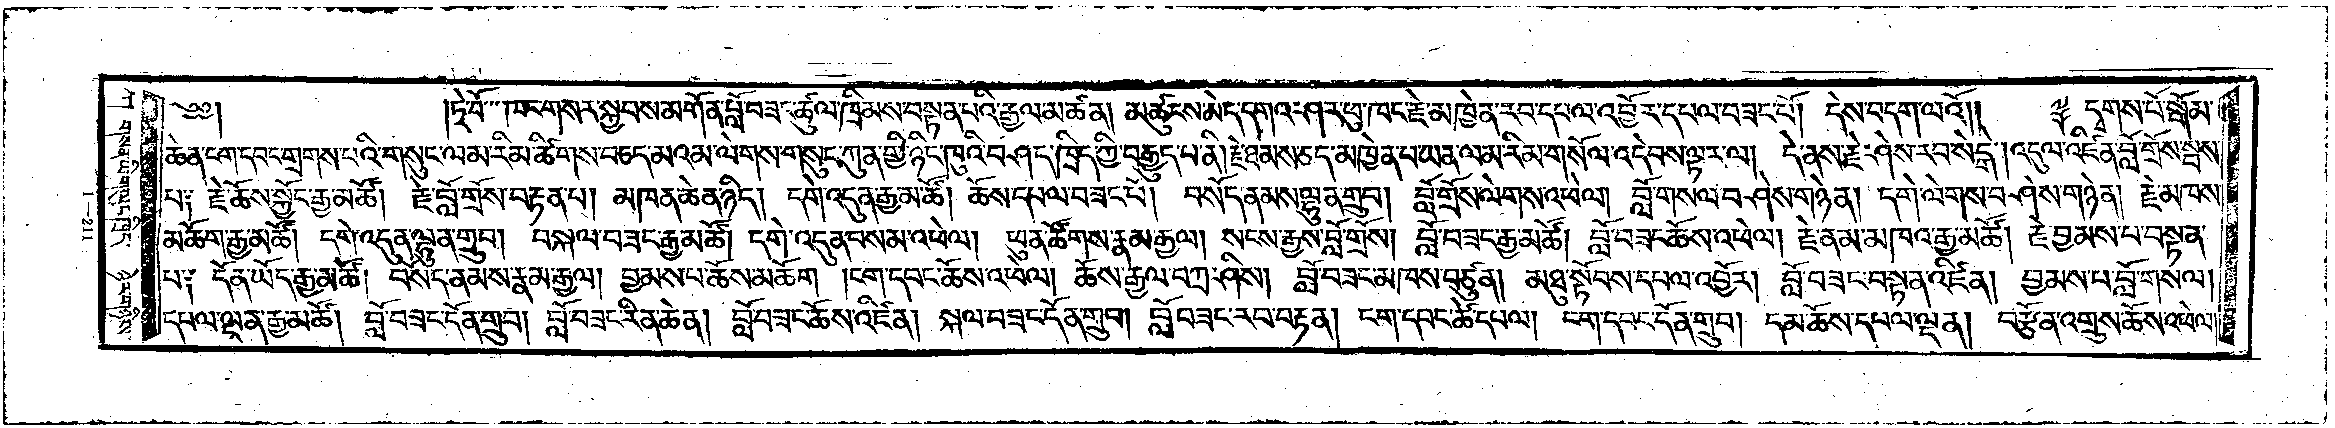༄༅། །ཏྲེ་བོ་ཁང་གསར་སྐྱབས་མགོན་བློ་བཟང་ཚུལ་ཁྲིམས་བསྟན་པའི་རྒྱལ་མཚན། མཚུངས་མེད་དགའ་ཤར་ཕུ་ཁང་རྗེ་མཁྱེན་རབ་དཔལ་འབྱོར་དཔལ་བཟང་པོ། དེས་བདག་ལའོ།། འ་དྭགས་པོ་སྒོམ་
ཆེན་ངག་དབང་གྲགས་པའི་གསུང་ལམ་རིམ་ཚིགས་བཅད་མའམ་ལེགས་གསུང་ཀུན་གྱི་ཉིང་ཁུའི་བཤད་ཁྲིད་ཀྱི་བརྒྱུད་པ་ནི། རྗེ་ཐམས་ཅད་མཁྱེན་པ་ཡན་ལམ་རིམ་གསོལ་འདེབས་ལྟར་ལ། དེ་ནས་རྗེ་ཤེས་རབ་སེངྒེ །འདུལ་འཛིན་བློ་གྲོས་སྦས་
པ༑ རྗེ་ཆོས་སྐྱོང་རྒྱ་མཚོ། རྗེ་བློ་གྲོས་བརྟན་པ། མཁན་ཆེན་ཉིད། དགེ་འདུན་རྒྱ་མཚོ། ཆོས་དཔལ་བཟང་པོ། བསོད་ནམས་ལྷུན་གྲུབ། བློ་གྲོས་ལེགས་འཕེལ། བློ་གསལ་བཤེས་གཉེན། དགེ་ལེགས་བཤེས་གཉེན། རྗེ་མཁས་
མཆོག་རྒྱ་མཚོ། དགེ་འདུན་ལྷུན་གྲུབ། བསྐལ་བཟང་རྒྱ་མཚོ། དགེ་འདུན་བསམ་འཕེལ། ཕུན་ཚོགས་རྣམ་རྒྱལ། སངས་རྒྱས་བློ་གྲོས། བློ་བཟང་རྒྱ་མཚོ། བློ་བཟང་ཆོས་འཕེལ། རྗེ་ནམ་མཁའ་རྒྱ་མཚོ། རྗེ་བྱམས་པ་བསྟན་
པ༑ དོན་ཡོད་རྒྱ་མཚོ། བསོད་ནམས་རྣམ་རྒྱལ། བྱམས་པ་ཆོས་མཆོག །ངག་དབང་ཆོས་འཕེལ། ཆོས་རྒྱལ་བཀྲ་ཤིས། བློ་བཟང་མཁས་བཙུན། མཐུ་སྟོབས་དཔལ་འབྱོར། བློ་བཟང་བསྟན་འཛིན། བྱམས་པ་བློ་གསལ།
དཔལ་ལྡན་རྒྱ་མཚོ། བློ་བཟང་དོན་གྲུབ། བློ་བཟང་རིན་ཆེན། བློ་བཟང་ཆོས་འཛིན། སྐལ་བཟང་དོན་གྲུབ། བློ་བཟང་རབ་བརྟན། ངག་དབང་ཚེ་དཔལ། ངག་དབང་དོན་གྲུབ། དམ་ཆོས་དཔལ་ལྡན། བརྩོན་འགྲུས་ཆོས་འཕེལ་